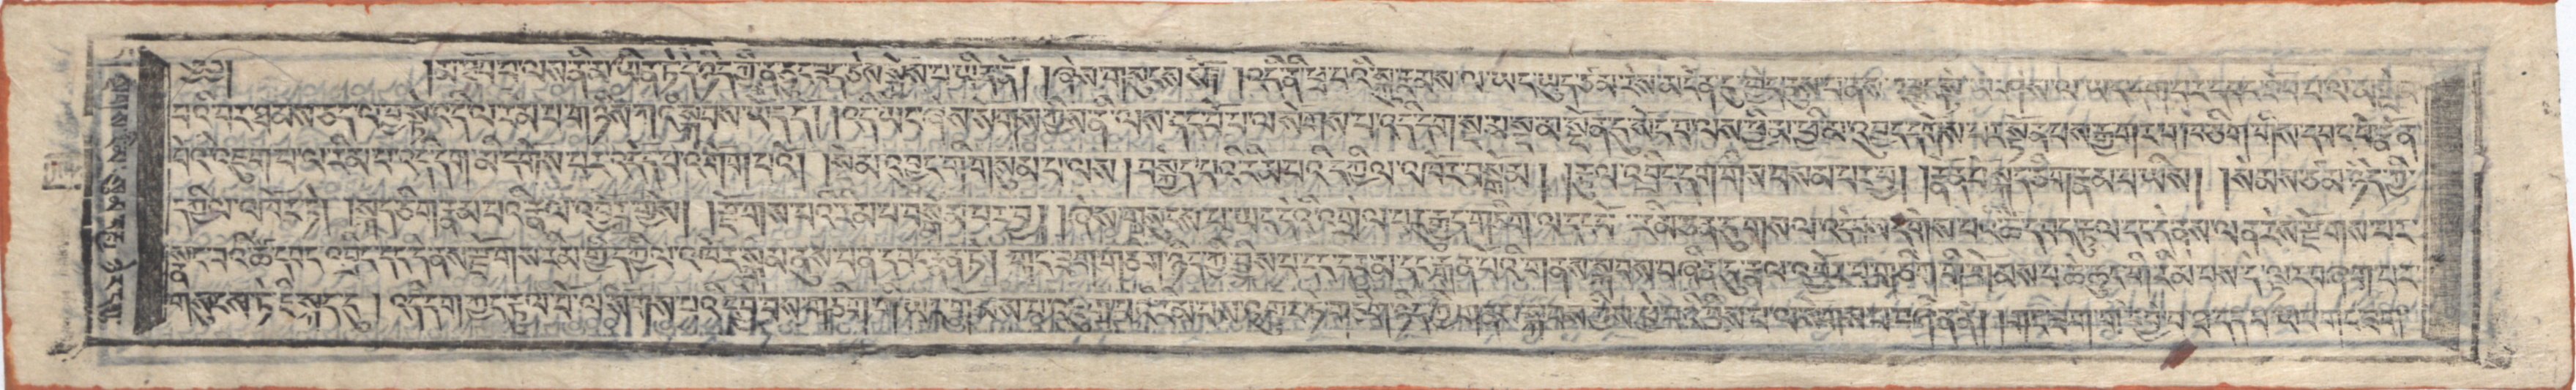༄༅། །མ་ཐོབ་པ་ལས་ནི་མ་ཡིན་ཏེ་དེ་ཉིད་ཀྱི་ན་ཅུང་ཟད་ཅེས་སྨོས་པ་ཡིན་ནོ། །ཞེས་གསུངས་སོ། །འདི་ནི་ཕྲ་བའི་སྐུ་རྣམས་ལ་ཡང་ཡུད་ཙམ་རེས་མངོན་དུ་བྱེད་ནུས་པ་ནས་བཟུང་སྟེ་ཡེ་ཤེས་ལ་ཡང་དག་པར་དབང་ཐོབ་པ་ལ་མ་སླེབ་
པའི་བར་ཐམས་ཅད་ལ་བྱ་སྟེ་འདི་ལ་རིམ་པ་གཉིས་ཀའི་སྐབས་ཡོད་དོ། །འདི་ཡང་ཞེས་སོགས་ཀྱིས་ནི་ལས་དང་པོ་པ་ལ་སོགས་པ་འདི་དག་སྔ་མ་སྔ་མ་སྔོན་དུ་སོང་བ་ལས་ཕྱི་མ་ཕྱི་མ་འབྱུང་དགོས་པར་སྟོན་པས་རྒྱ་གར་བ་ཁ་ཅིག་གིས་དབང་པོ་རྣོན་
པོའི་འཇུག་པ་ལ་རིམ་པ་འདི་དག་མི་དགོས་པར་འདོད་པ་འགོག་པའོ། །སྡོམ་འབྱུང་གི་གསུམ་པ་ལས། བསྐྱེད་པའི་རིམ་པའི་དཀྱིལ་འཁོར་བསྒོམ། །རྟུལ་འབྲིང་དག་གིས་བསམ་པར་བྱ། །རྣོན་པོ་སྐད་ཅིག་རྣམ་པ་ཡིས། །སེམས་ཙམ་ཉིད་ཀྱི་
དཀྱིལ་འཁོར་ཏེ། །སྐད་ཅིག་རྣམ་པའི་རྣལ་འབྱོར་གྱིས། །རྫོགས་པའི་རིམ་པ་བསྒོམ་པར་བྱ། །ཞེས་གསུངས་པ་ཡང་དེའི་འགྲེལ་པར་རྒྱུད་གཅིག་ལ་དང་པོ་རིམ་ཅན་དུ་གསལ་འདེབས་དགོས་པའི་ཚེ་དབང་རྟུལ་དང་དེ་ནས་ལན་རེས་རྫོགས་པར་
སྣང་བའི་ཚེ་དབང་འབྲིང་དང་དེ་ནས་རྫོགས་རིམ་གྱི་དཀྱིལ་འཁོར་སྒོམ་ནུས་པ་ན་དབང་རྣོན་ཏེ། གང་ཟག་གཅིག་ཉིད་ཀྱི་བྱིས་པ་དང་དར་མ་དང་རྒན་པོའི་གནས་སྐབས་བཞིན་དུ་རྣལ་འབྱོར་བ་གཅིག་གི་གོམས་པ་ཆེ་ཆུང་གི་རིམ་པས་དེ་ལྟར་བཞག་པར་
གསུངས་ཏེ་ཇི་སྐད་དུ། འདི་དག་ཀྱང་རྟུལ་པོ་ལ་སོགས་པའི་དབྱེ་བས་གཅིག་གི་ཡང་གོམས་པ་འཇུག་པའི་རིམ་པས་འགྱུར་ཏེ་གཅིག་ཉིད་ཀྱི་གནས་སྐབས་ཀྱིས་ཕྱེ་བའི་བྱིས་པ་ལ་སོགས་པ་བཞིན་ནོ། །གང་ཟག་གི་དབྱེ་བ་ཐ་དད་པ་ཡང་གང་ཟག་